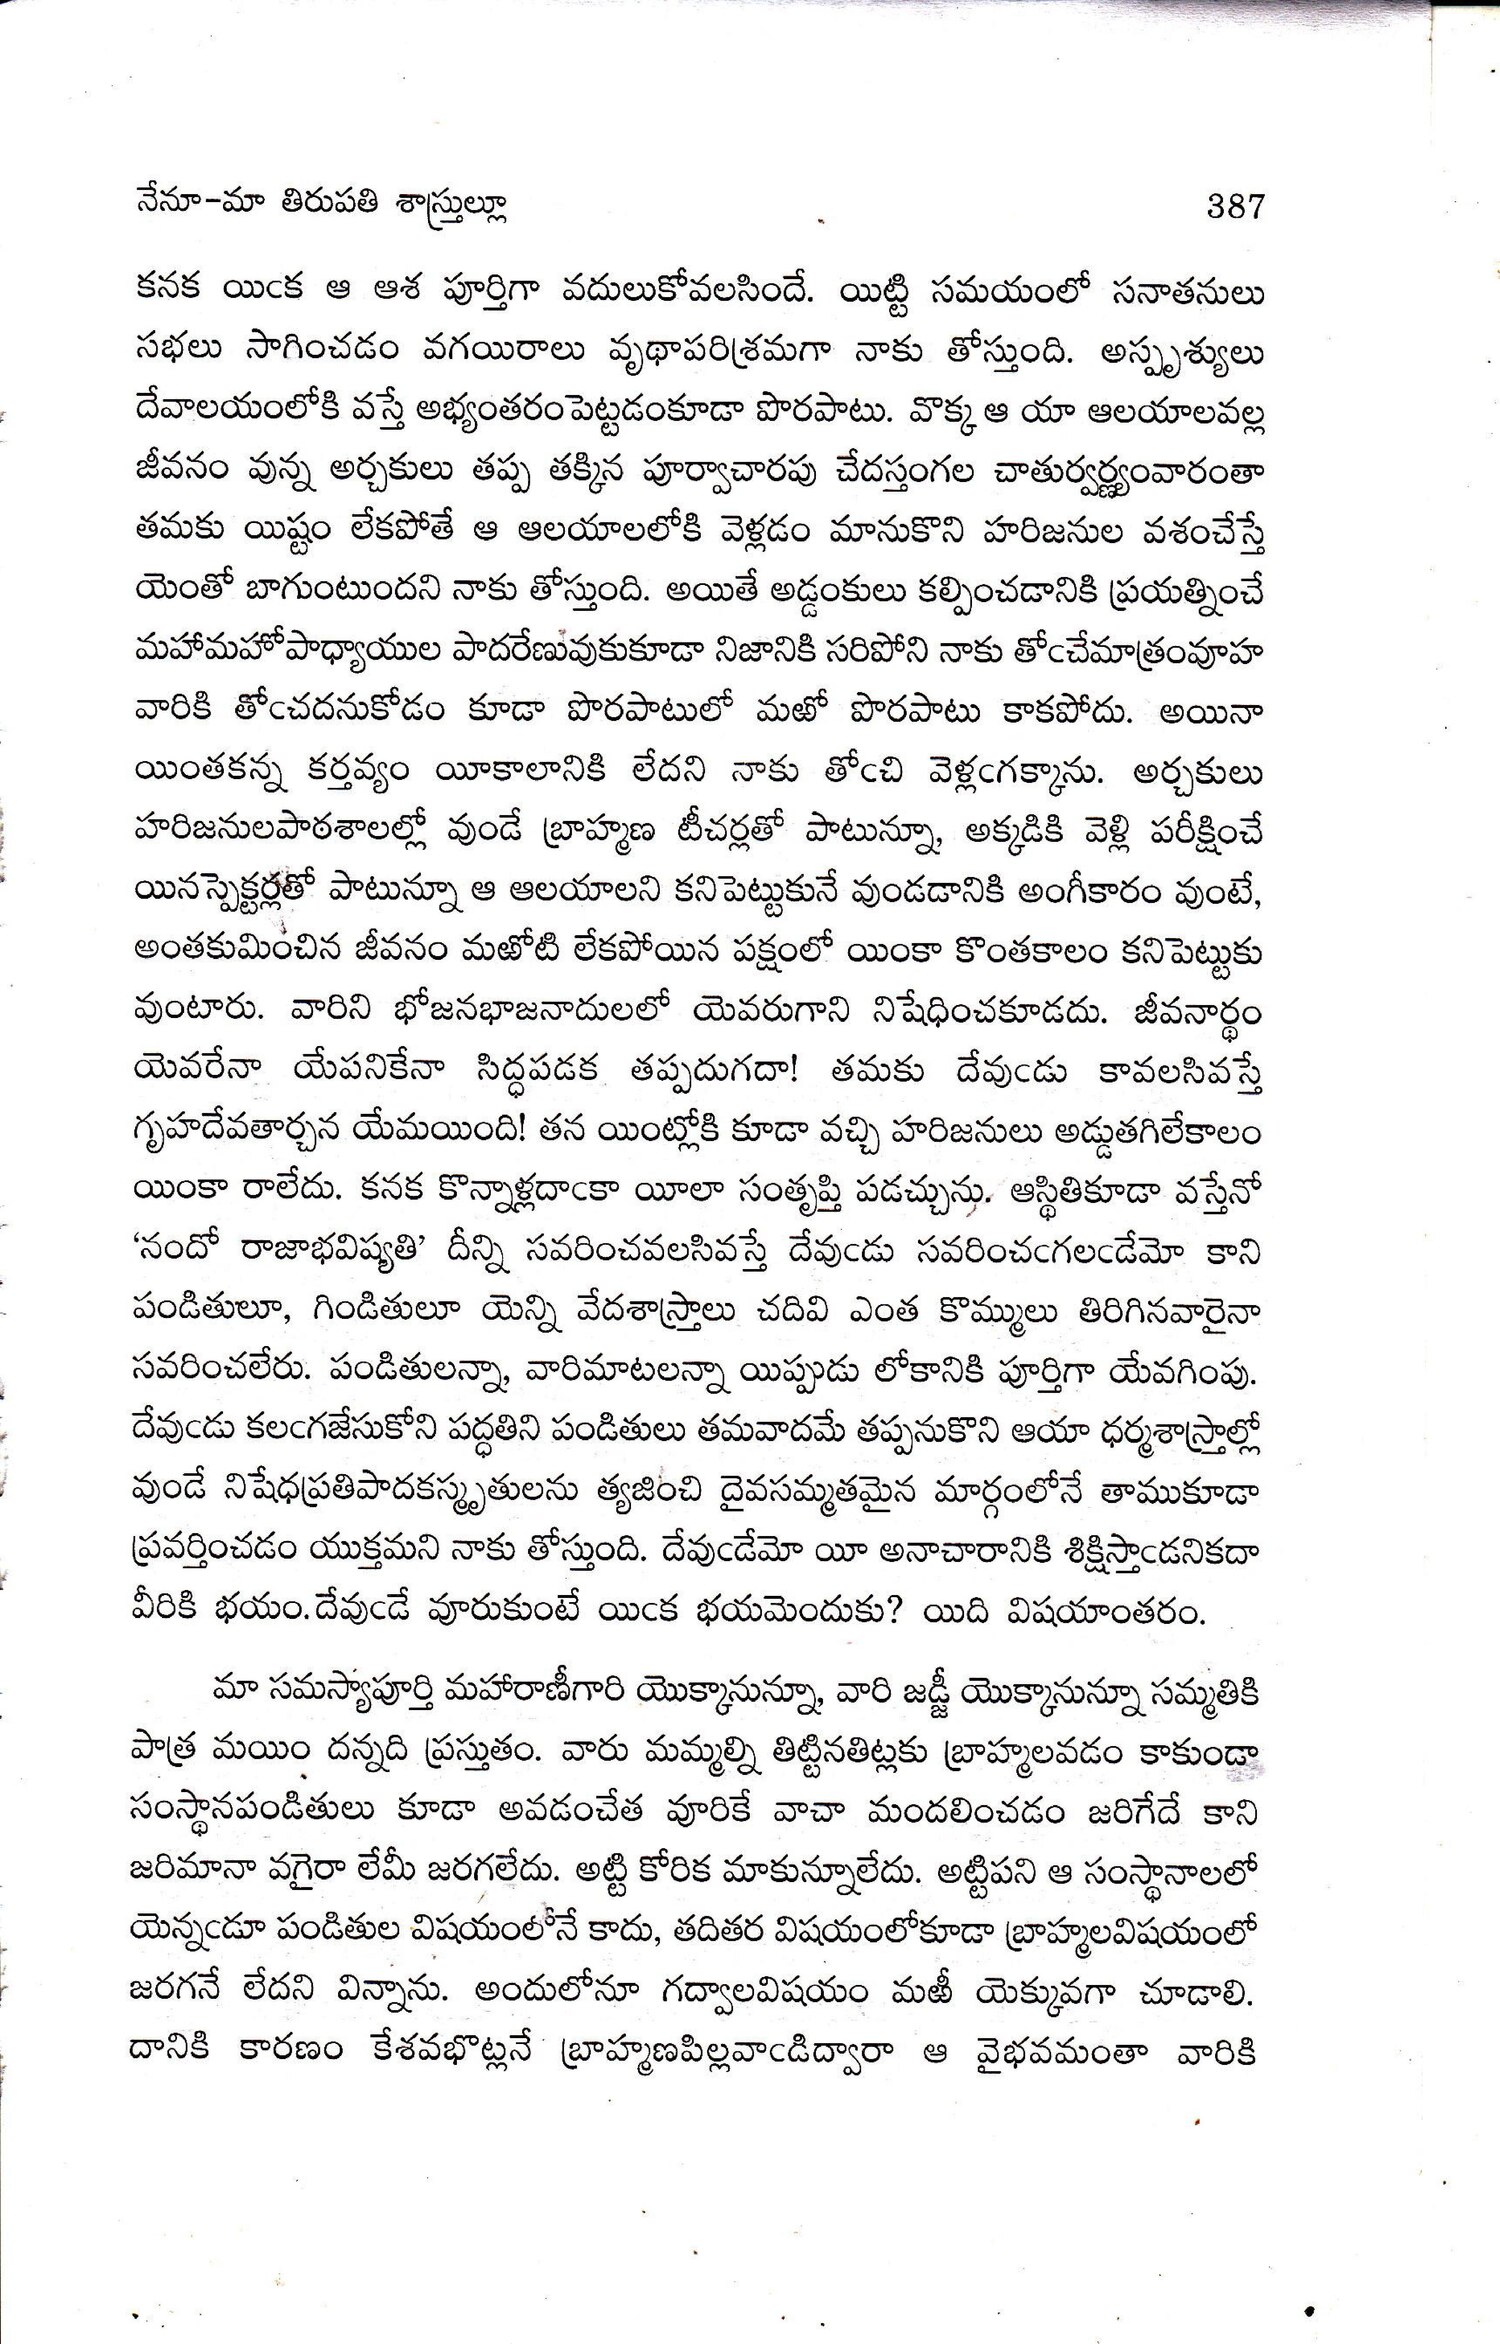కనక యిఁక ఆ ఆశ పూర్తిగా వదులుకోవలసిందే. యిట్టి సమయంలో సనాతనులు సభలు సాగించడం వగయిరాలు వృథాపరిశ్రమగా నాకు తోస్తుంది. అస్పృశ్యులు దేవాలయంలోకి వస్తే అభ్యంతరంపెట్టడంకూడా పొరపాటు. వొక్క ఆ యా ఆలయాలవల్ల జీవనం వున్న అర్చకులు తప్ప తక్కిన పూర్వాచారపు చేదస్తంగల చాతుర్వర్ణ్యంవారంతా తమకు యిష్టం లేకపోతే ఆ ఆలయాలలోకి వెళ్లడం మానుకొని హరిజనుల వశంచేస్తే యెంతో బాగుంటుందని నాకు తోస్తుంది. అయితే అడ్డంకులు కల్పించడానికి ప్రయత్నించే మహామహోపాధ్యాయుల పాదరేణువుకుకూడా నిజానికి సరిపోని నాకు తోఁచేమాత్రంవూహ వారికి తోఁచదనుకోడం కూడా పొరపాటులో మఱో పొరపాటు కాకపోదు. అయినా యింతకన్న కర్తవ్యం యీకాలానికి లేదని నాకు తోఁచి వెళ్లఁగక్కాను. అర్చకులు హరిజనులపాఠశాలల్లో వుండే బ్రాహ్మణ టీచర్లతో పాటున్నూ, అక్కడికి వెళ్లి పరీక్షించే యినస్పెక్టర్లతో పాటున్నూ ఆ ఆలయాలని కనిపెట్టుకునే వుండడానికి అంగీకారం వుంటే, అంతకుమించిన జీవనం మఱోటి లేకపోయిన పక్షంలో యింకా కొంతకాలం కనిపెట్టుకు వుంటారు. వారిని భోజనభాజనాదులలో యెవరుగాని నిషేధించకూడదు. జీవనార్థం యెవరేనా యేపనికేనా సిద్ధపడక తప్పదుగదా! తమకు దేవుఁడు కావలసివస్తే గృహదేవతార్చన యేమయింది! తన యింట్లోకి కూడా వచ్చి హరిజనులు అడ్డుతగిలేకాలం యింకా రాలేదు. కనక కొన్నాళ్లదాఁకా యీలా సంతృప్తి పడచ్చును. ఆస్థితికూడా వస్తేనో 'నందో రాజాభవిష్యతి' దీన్ని సవరించవలసివస్తే దేవుఁడు సవరించఁగలఁడేమో కాని పండితులూ, గిండితులూ యెన్ని వేదశాస్త్రాలు చదివి ఎంత కొమ్ములు తిరిగినవారైనా సవరించలేరు. పండితులన్నా వారిమాటలన్నా యిప్పుడు లోకానికి పూర్తిగా యేవగింపు. దేవుఁడు కలఁగజేసుకోని పద్ధతిని పండితులు తమవాదమే తప్పనుకొని ఆయా ధర్మశాస్త్రాల్లో వుండే నిషేధప్రతిపాదకస్మృతులను త్యజించి దైవసమ్మతమైన మార్గంలోనే తాముకూడా ప్రవర్తించడం యుక్తమని నాకు తోస్తుంది. దేవుఁడేమో యీ అనాచారానికి శిక్షిస్తాఁడనికదా వీరికి భయం.దేవుఁడే వూరుకుంటే యింక భయమెందుకు? యిది విషయాంతరం.

మా సమస్యాపూర్తి మహారాణీగారి యొక్కానున్నూ వారి జడ్జీ యొక్కానున్నూ సమ్మతికి పాత్ర మయిం దన్నది ప్రస్తుతం. వారు మమ్మల్ని తిట్టినతిట్లకు బ్రాహ్మలవడం కాకుండా సంస్థానపండితులు కూడా అవడంచేత వూరికే వాచా మందలించడం జరిగేదే కాని జరిమానా వగైరా లేమీ జరగలేదు. అట్టి కోరిక మాకున్నూలేదు. అట్టిపని ఆ సంస్థానాలలో యెన్నఁడూ పండితుల విషయంలోనే కాదు, తదితర విషయంలోకూడా బ్రాహ్మలవిషయంలో జరగనే లేదని విన్నాను. అందులోనూ గద్వాలవిషయం మఱీ యెక్కువగా చూడాలి. దానికి కారణం కేశవభొట్లనే బ్రాహ్మణపిల్లవాఁడిద్వారా ఆ వైభవమంతా వారికి